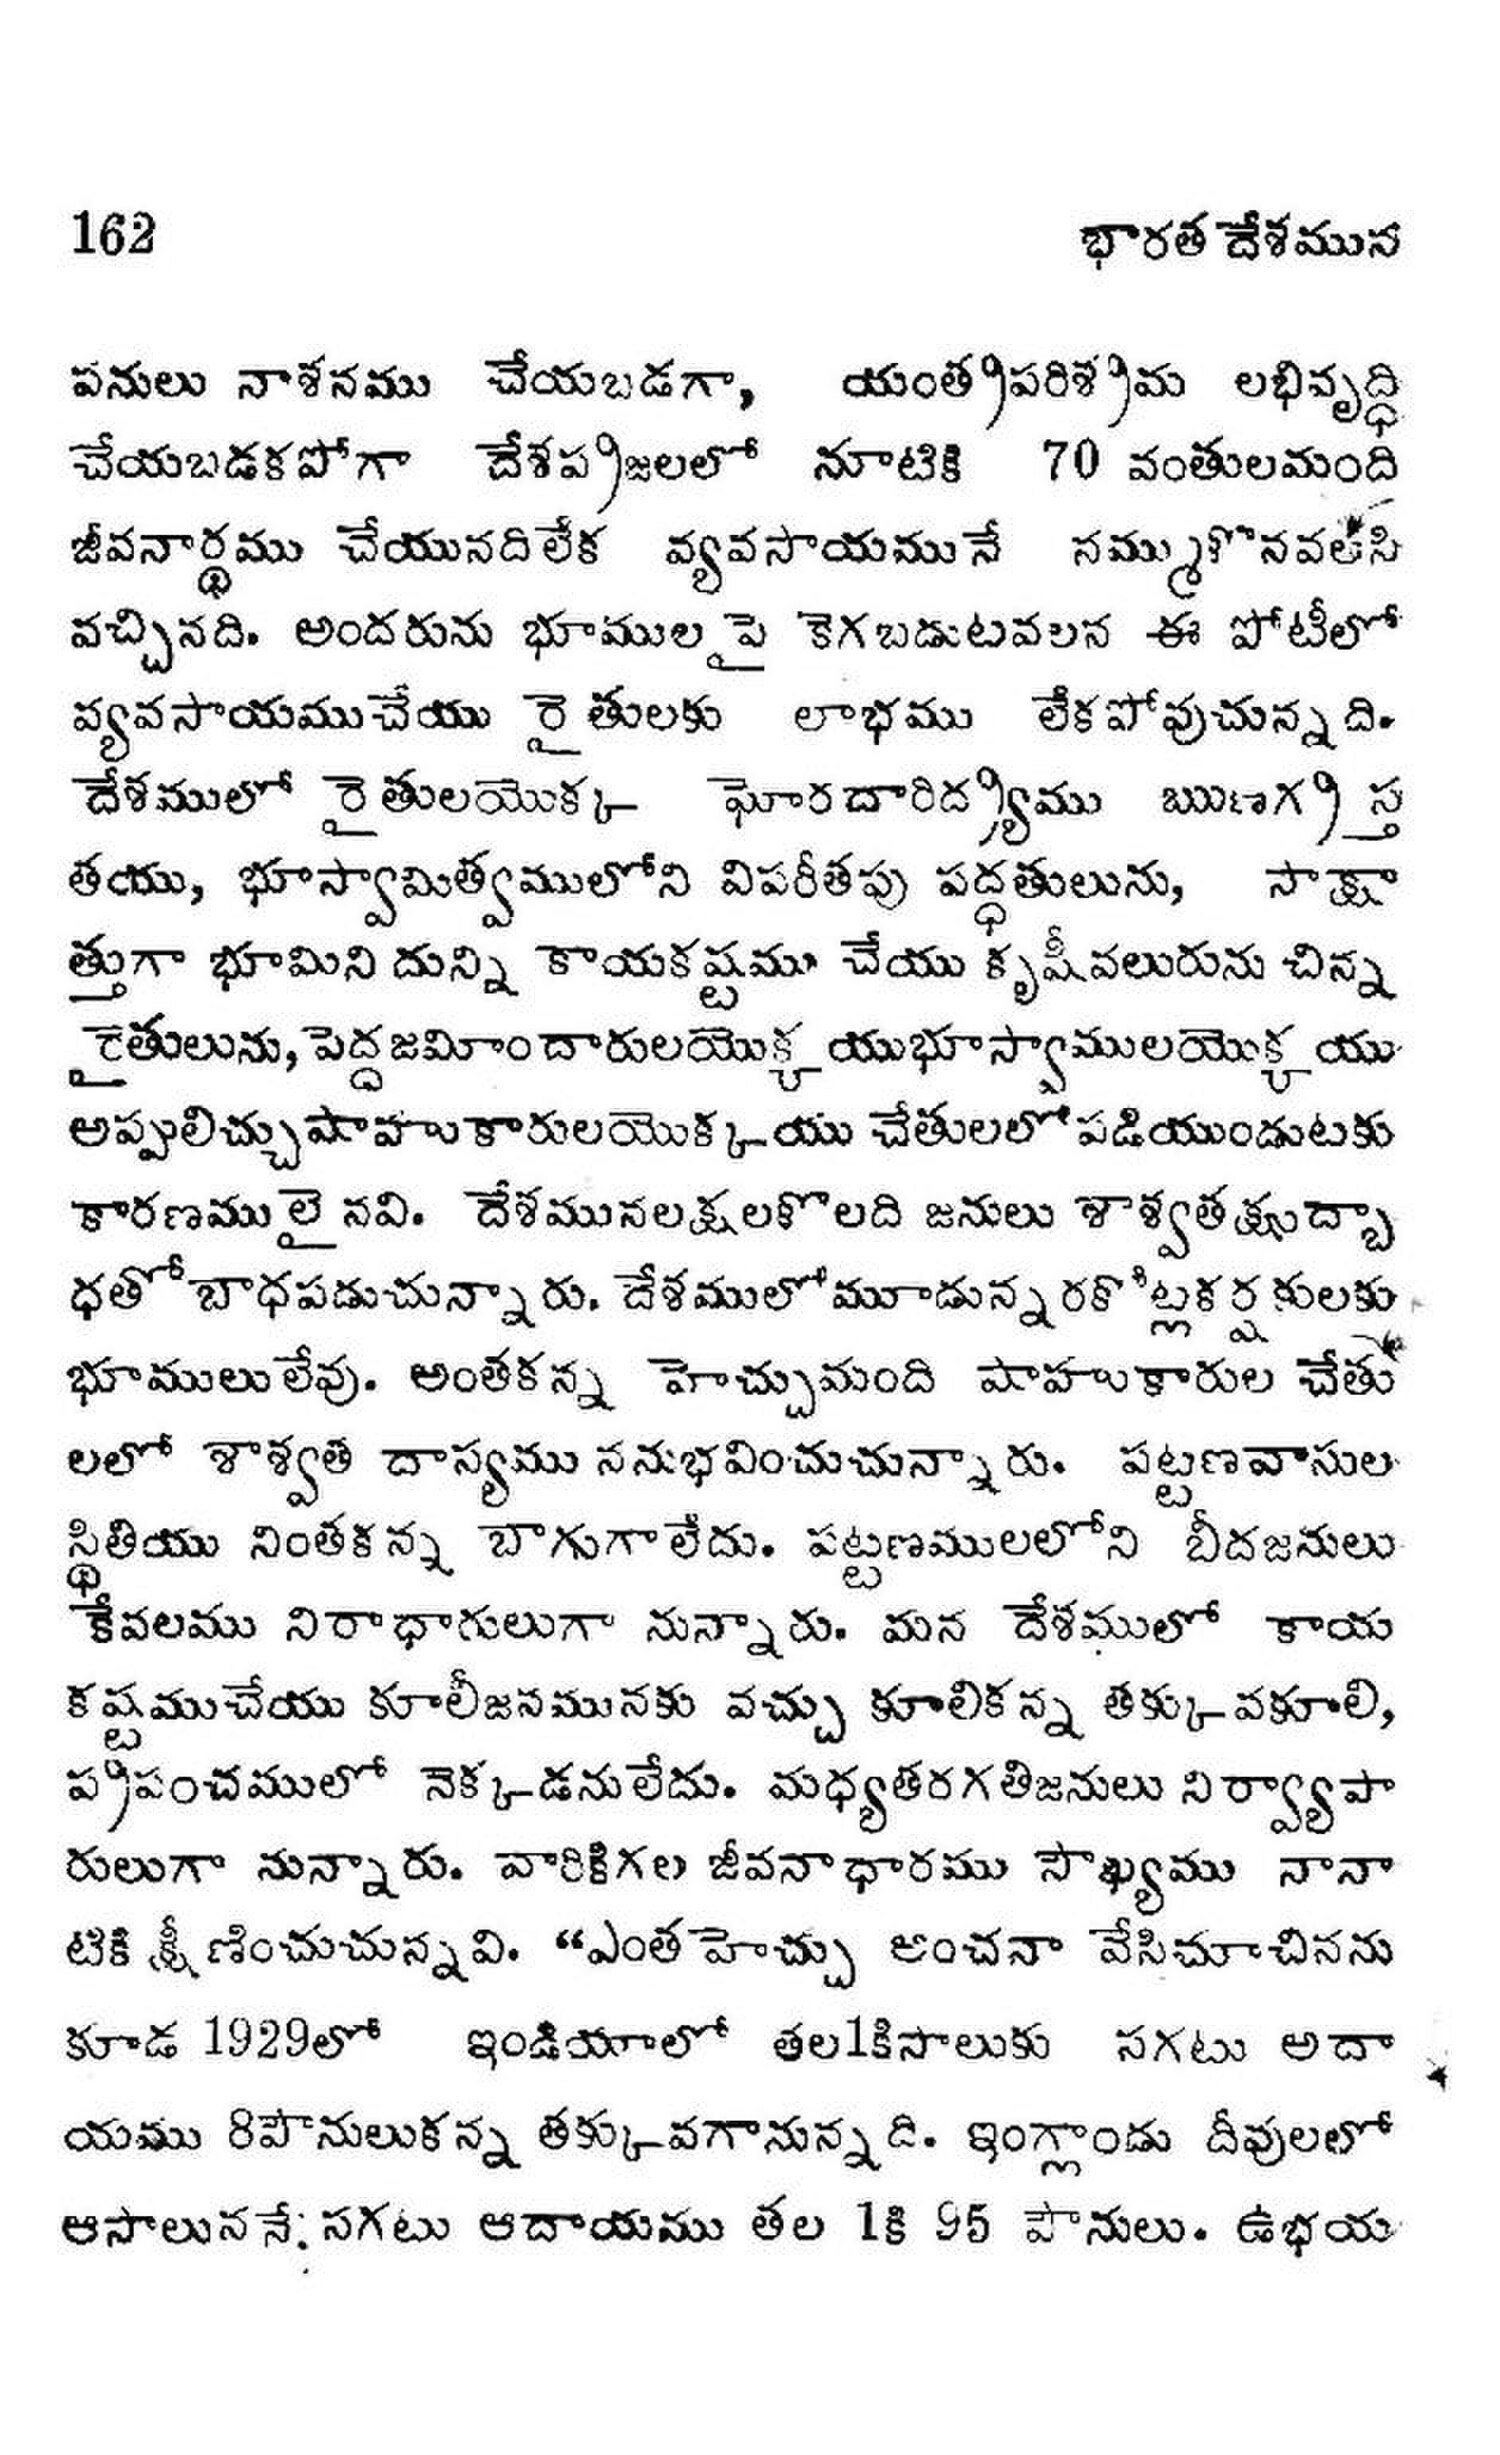పనులు నాశనము చేయబడగా, యంత్రపరిశ్రమ లభివృద్ధిచేయబడకపోగా దేశప్రజలలో నూటికి 70 వంతులమంది జీవనార్ధము చేయునదిలేక వ్యవసాయమునే నమ్ముకొనవలసి వచ్చినది. అందరును భూములపై కెగబడుటవలన ఈ పోటీలో వ్యవసాయముచేయు రైతులకు లాభము లేక పోవుచున్నది. దేశములో రైతులయొక్క ఘోరదారిద్ర్యము ఋణగ్రస్తతయు, భూస్వామిత్వములోని విపరీతపు పద్ధతులును, సాక్షాత్తుగా భూమినిదున్ని కాయకష్టము చేయు కృషీవలురును చిన్న రైతులును, పెద్దజమీందారులయొక్కయు భూస్వాములయొక్కయు అప్పులిచ్చు షాహుకారులయొక్కయు చేతులలో పడియుండుటకు కారణములైనవి. దేశమునలక్షలకొలది జనులు శాశ్వత క్షుద్బాధతో బాధపడుచున్నారు. దేశములో మూడున్నరకోట్లకర్షకులకు భూములులేవు. అంతకన్న హెచ్చుమంది. షాహుకారుల చేతులలో శాశ్వత దాస్యము ననుభవించుచున్నారు. పట్టణవాసుల స్థితియు నింతకన్న బాగుగాలేదు. పట్టణములలోని బీదజనులు కేవలము నిరాధారులుగా నున్నారు. మన దేశములో కాయకష్టముచేయు కూలీజనమునకు వచ్చు కూలికన్న తక్కువకూలి, ప్రపంచములో నెక్కడనులేదు. మధ్యతరగతిజనులు నిర్వ్యాపారులుగా నున్నారు. వారికిగల జీవనాధారము సౌఖ్యము నానాటికి క్షీణించుచున్నవి. “ఎంత హెచ్చు అంచనా వేసిచూచినను కూడ 1929లో ఇండియాలో తల1కిసాలుకు సగటు అదాయము 8 పౌనులుకన్న తక్కువగానున్నది. ఇంగ్లాండు దీవులలో ఆసాలుననే సగటు ఆదాయము తల 1కి 95 పౌనులు. ఉభయ